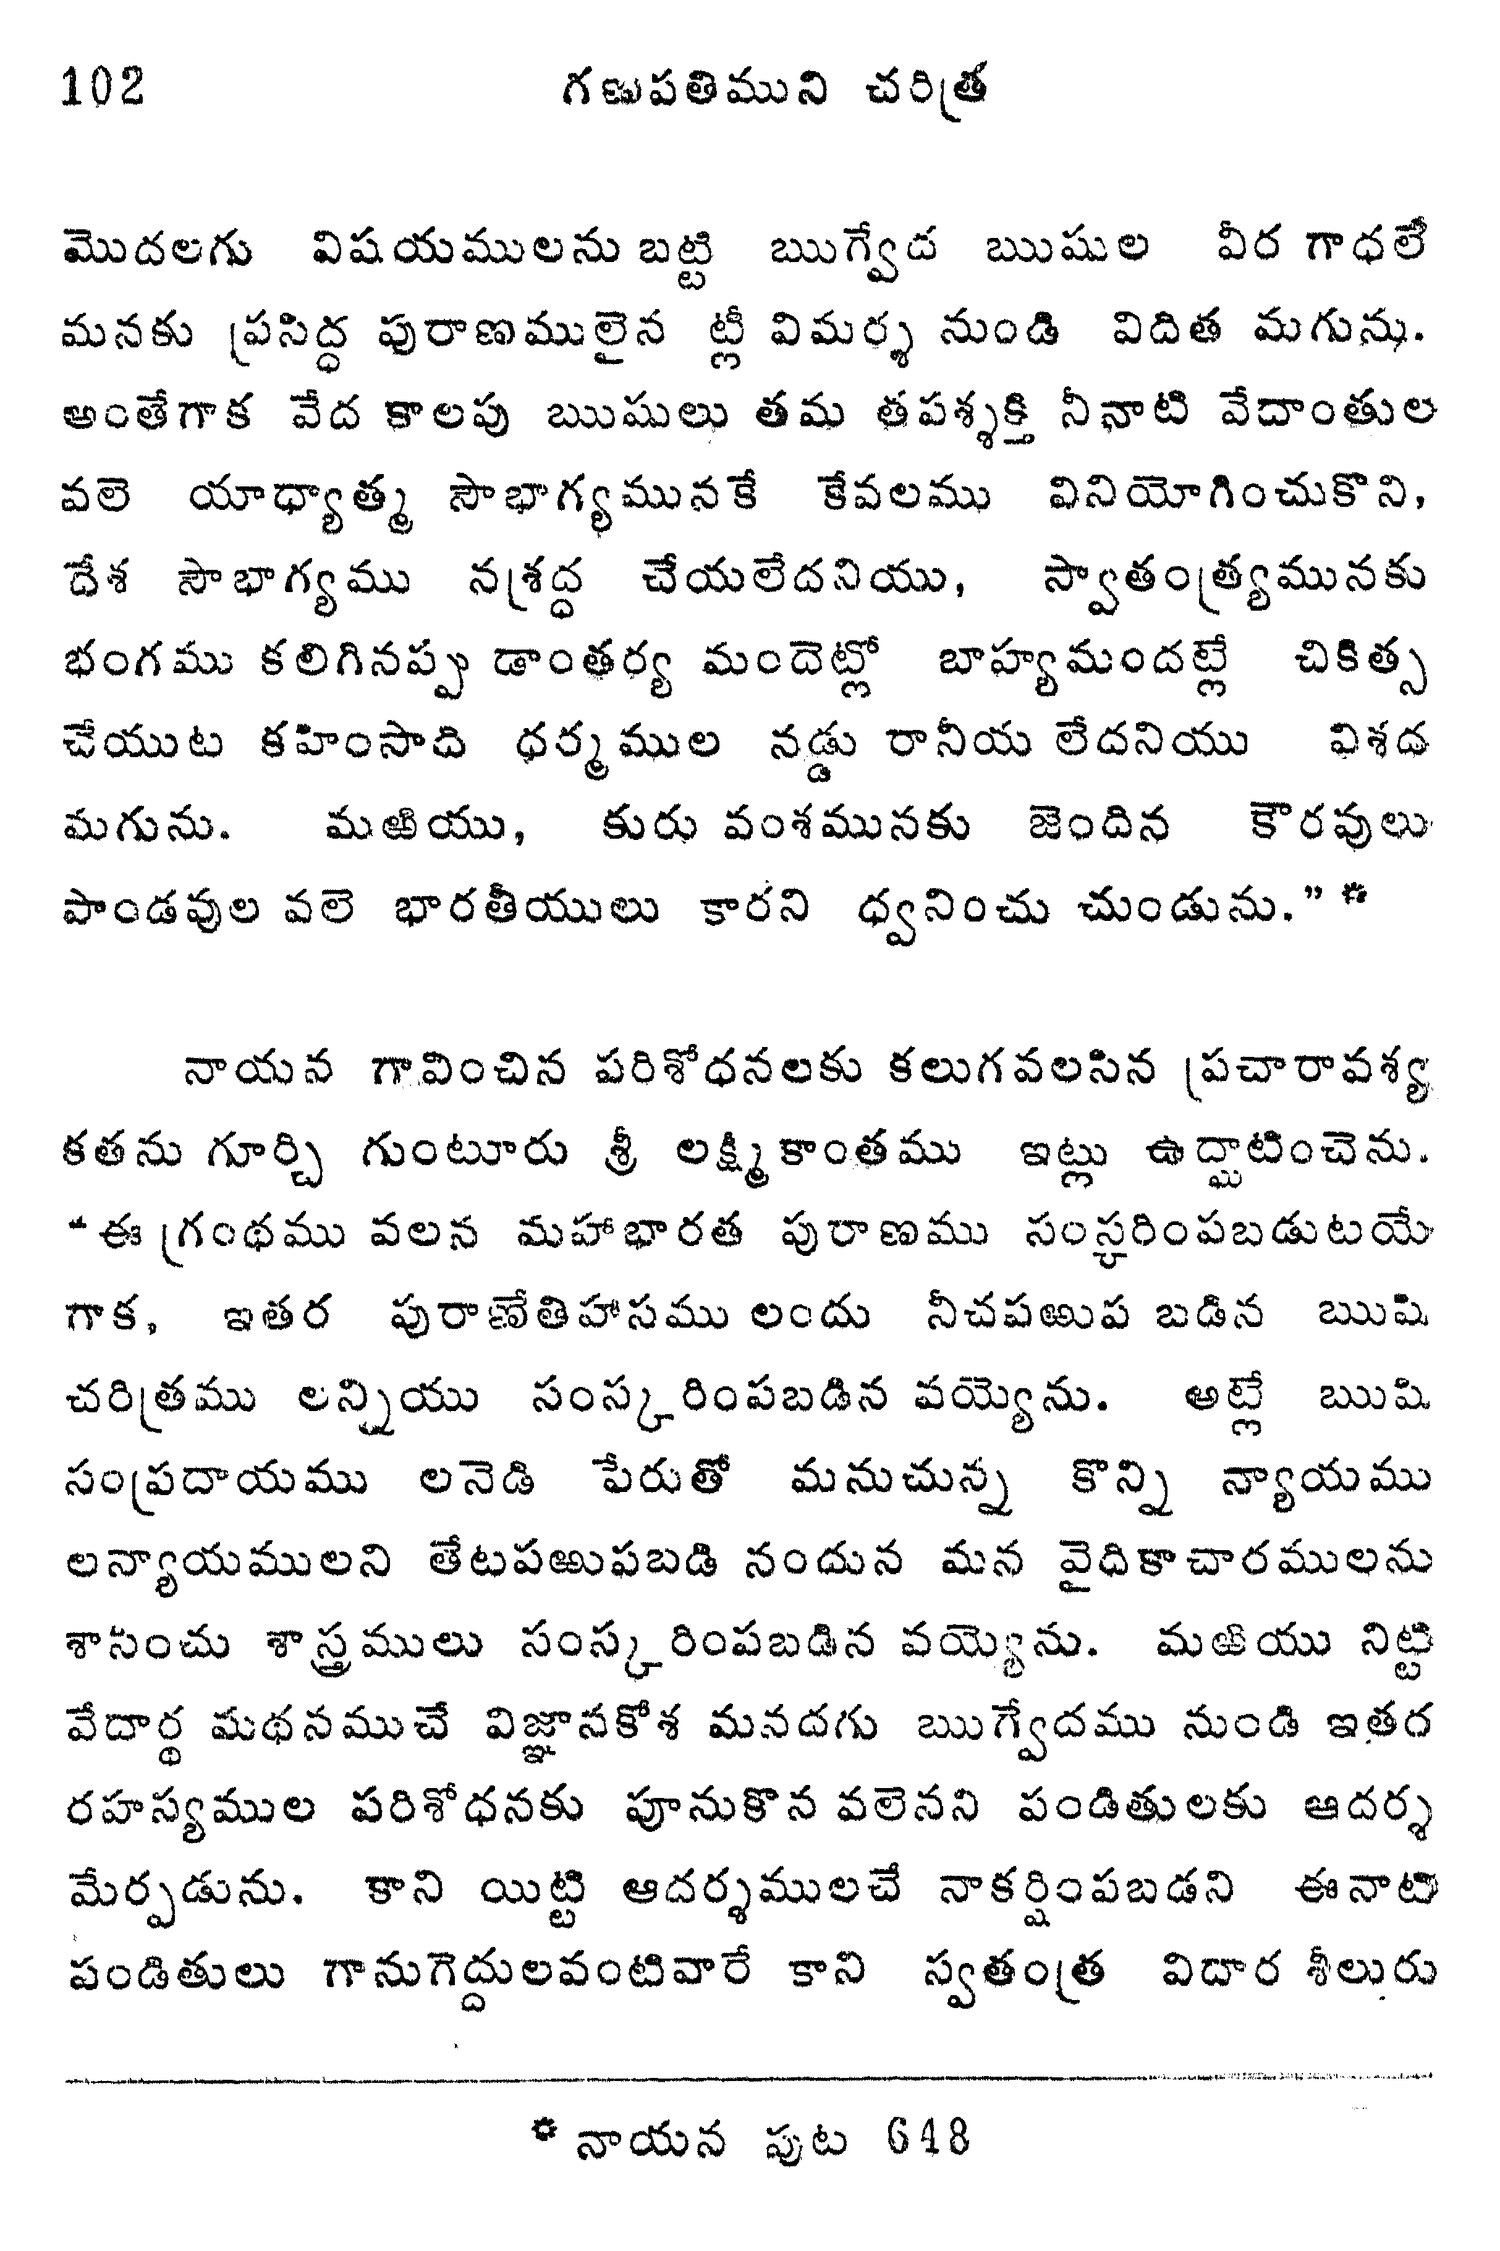మొదలగు విషయములను బట్టి ఋగ్వేద ఋషుల వీర గాధలే మనకు ప్రసిద్ధ పురాణములైన ట్లీ విమర్శ నుండి విదిత మగును. అంతేగాక వేద కాలపు ఋషులు తమ తపశక్తి నీనాటి వేదాంతుల వలె యాధ్యాత్మ సౌభాగ్యమునకే కేవలము వినియోగించుకొని, దేశ సౌభాగ్యము నశ్రద్ద చేయలేదనియు, స్వాతంత్ర్యమునకు భంగము కలిగునప్పు డాంతర్య మందెట్లో బాహ్యమందెట్లే చికిత్స చేయుట కహింసాది ధర్మముల నడ్డు రానీయ లేదనియు విశద మగును. మఱియు, కురు వంశమునకు జెందిన కౌరవులు పాండవుల వలె భారతీయులు కారని ధ్వనించు చుండును."

నాయన గావించిన పరిశోధనలకు కలుగవలసిన ప్రచారావశ్యకతను గూర్చి గుంటూరు శ్రీ లక్ష్మికాంతము ఇట్లు ఉద్ఘాటించెను. "ఈ గ్రంథము వలన మహాభారత పురాణము సంస్కరింపబడుటయే గాక, ఇతర పురాణేతిహాసము లందు నీచపఱుప బడిన ఋషి చరిత్రము లన్నియు సంస్కరింపబడిన వయ్యెను. అట్లే ఋషి సంప్రదాయము లనెడి పేరుతో మనుచున్న కొన్ని న్యాయము లన్యాయములని తేటపఱుపబడి నందున మన వైదికాచారములను శాసించు శాస్త్రములు సంస్కరింపబడిన వయ్యెను. మఱియు నిట్టి వేదార్థ మథనముచే విజ్ఞానకోశ మనదగు ఋగ్వేదము నుండి ఇతర రహస్యముల పరిశోధనకు పూనుకొన వలెనని పండితులకు ఆదర్శ మేర్పడును. కాని యిట్టి ఆదర్శములచే నాకర్షింపబడని ఈనాటి పండితులు గానుగెద్దులవంటివారే కాని స్వతంత్ర విదార శీలురు